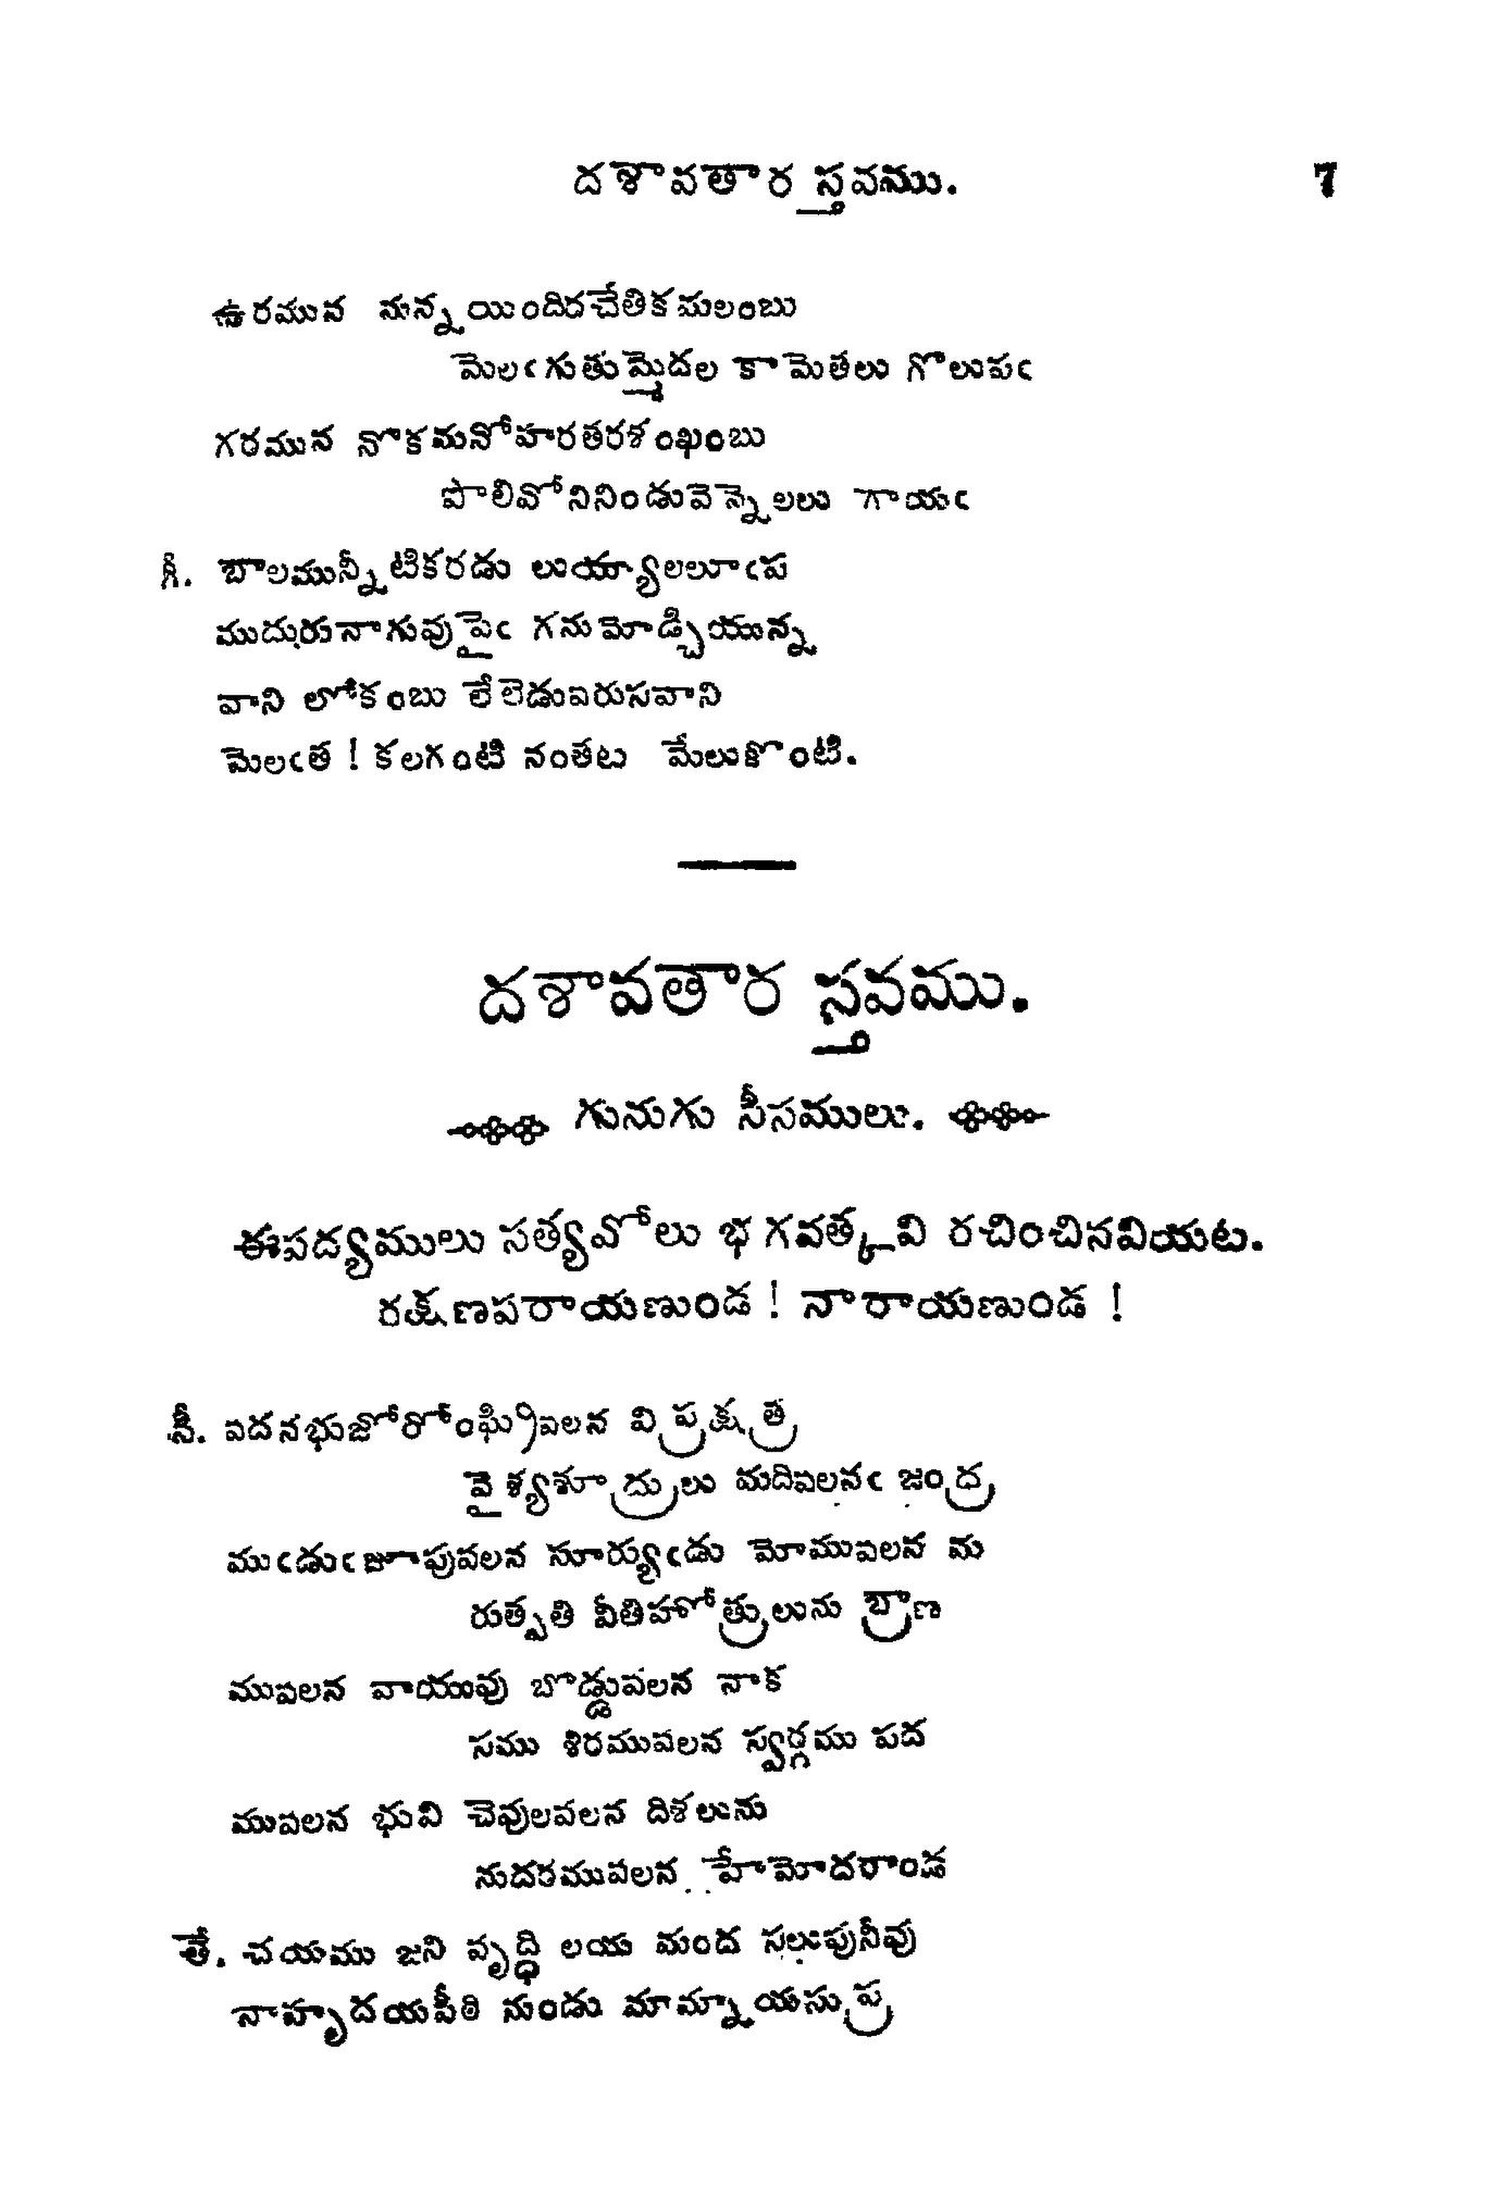ఉరమున నున్న యిందిరచేతికమలంబు
 మెలఁగుతుమ్మెదల కామెతలు గొలువఁ
 గరమున నొకమనోహరతరశంఖంబు
 పొలివోని నిండువెన్నెలలు గాయఁ
గీ. బాలమున్నీటికరడు లుయ్యాలలూఁప
 ముదురునాగువుపైఁ గనుమోడ్చి యున్న
 వాని లోకంబు లేలెడువరుసవాని
 మెలఁత! కలఁగంటి నంతట మేలుకొంటి.

సీ. వదనభుజోరోంఘ్రివలన విప్రక్షత్ర
 వైశ్యశూద్రులు మదివలనఁ జంద్ర
 ముఁడుఁజూపువలన సూర్యుఁడు మోమువలన మ
 రుత్పతి వీతిహోత్రులను బ్రాణ
 మువలన వాయువు బొడ్డువలన నాక
 సము శిరమువలన స్వర్గము పద
 మువలన భువి చెవులవలన దిశలును
 నుదరమువలన హేమోదరాండ
తే. చయము జని వృద్ధి లయ మంద సలుపు నీవు
 నా హృదయపీఠి నుండు మామ్నాయసుప్ర